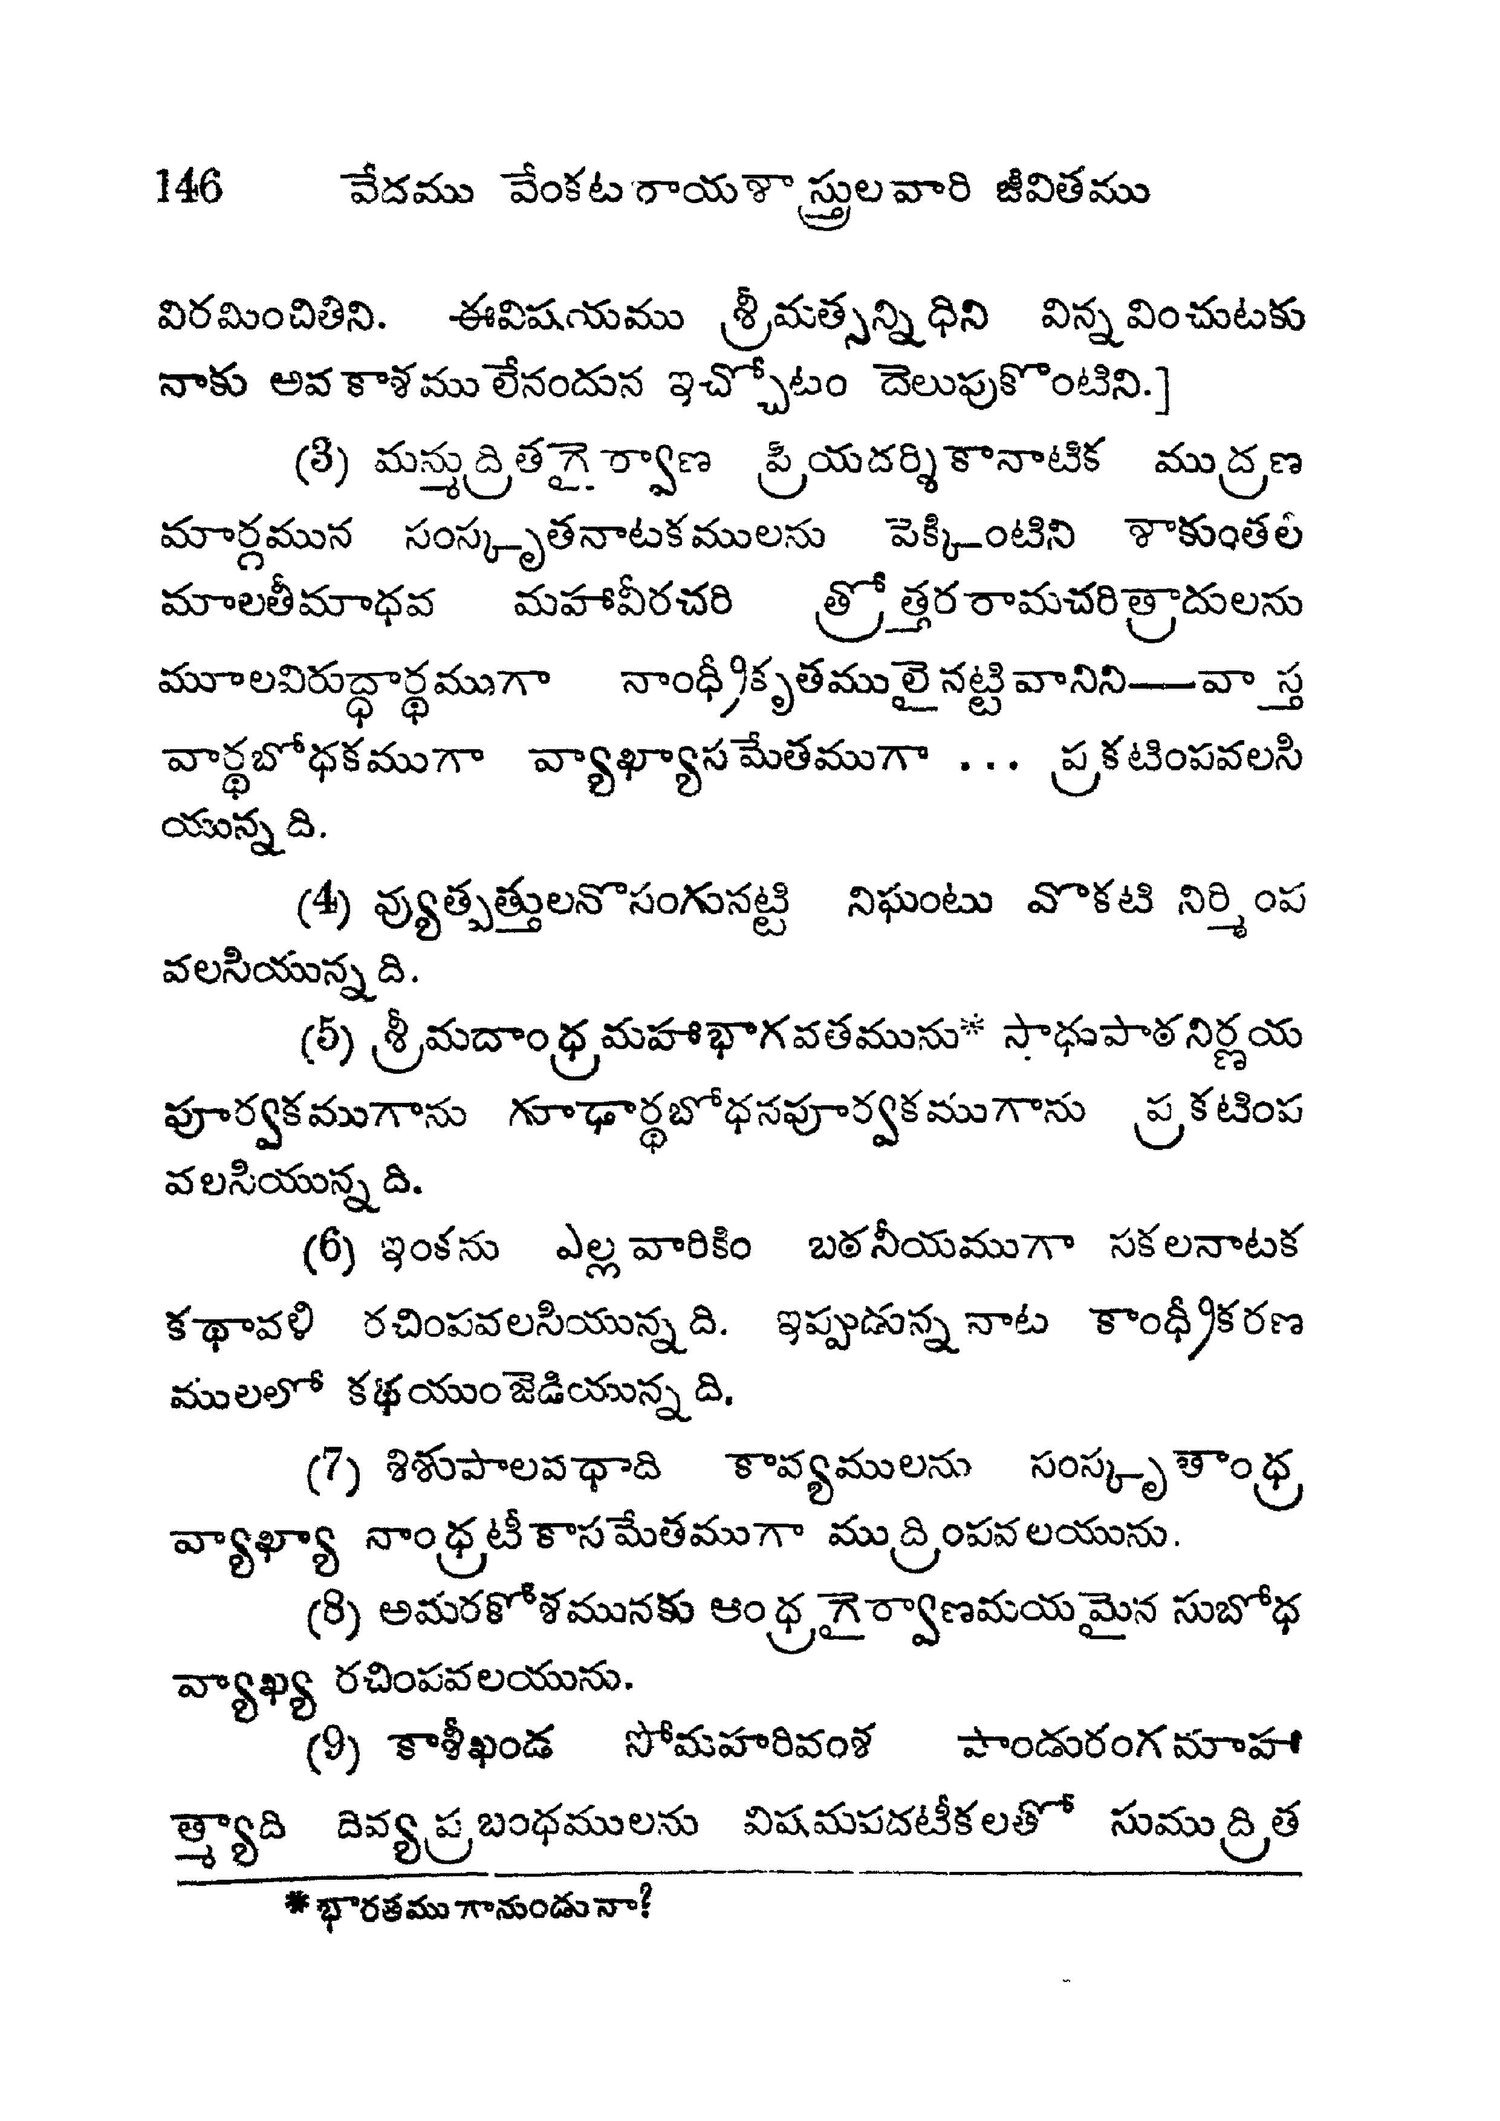విరమించితిని. ఈవిషయము శ్రీమత్సన్నిధిని విన్నవించుటకు నాకు అవకాశములేనందున ఇచ్చోటం దెలుపుకొంటిని.]

(3) మన్ముద్రితగైర్వాణ ప్రియదర్శికానాటిక ముద్రణమార్గమున సంస్కృతనాటకములను పెక్కింటిని శాకుంతల మాలతీమాధవ మహావీరచరి త్రోత్తరరామచరిత్రాదులను మూల విరుద్ధార్థముగా నాంధ్రీకృతములైనట్టివానిని - వాస్తవార్థబోధకముగా వ్యాఖ్యాసమేతముగా... ప్రకటింపవలసి యున్నది.

(4)వ్యుత్పత్తులనొసంగునట్టి నిఘంటు వొకటి నిర్మింపవలసియున్నది.

(5) శ్రీమదాంధ్ర మహాభాగవతమును* సాధుపాఠనిర్ణయ పూర్వకముగాను గూడార్థబోధనపూర్వకముగాను ప్రకటింప వలసియున్నది.

(6) ఇంకను ఎల్లవారికిం బఠనీయముగా సకలనాటక కథావళి రచింపవలసియున్నది. ఇప్పుడున్న నాట కాంధ్రీకరణములలో కథయుంజెడియున్నది.

(7) శిశుపాలవధాది కావ్యములను సంస్కృతాంధ్ర వ్యాఖ్యా నాంధ్రటీకాసమేతముగా ముద్రింపవలయును.

(8) అమరకోశమునకు ఆంధ్రగైర్వాణమయమైన సుబోధ వ్యాఖ్య రచింపవలయును.

(9) కాశీఖండ సోమహరివంశ పాండురంగ మాహాత్మ్యాది దివ్యప్రబంధములను విషమపదటీకలతో సుముద్రిత

భారతముగానుండునా?